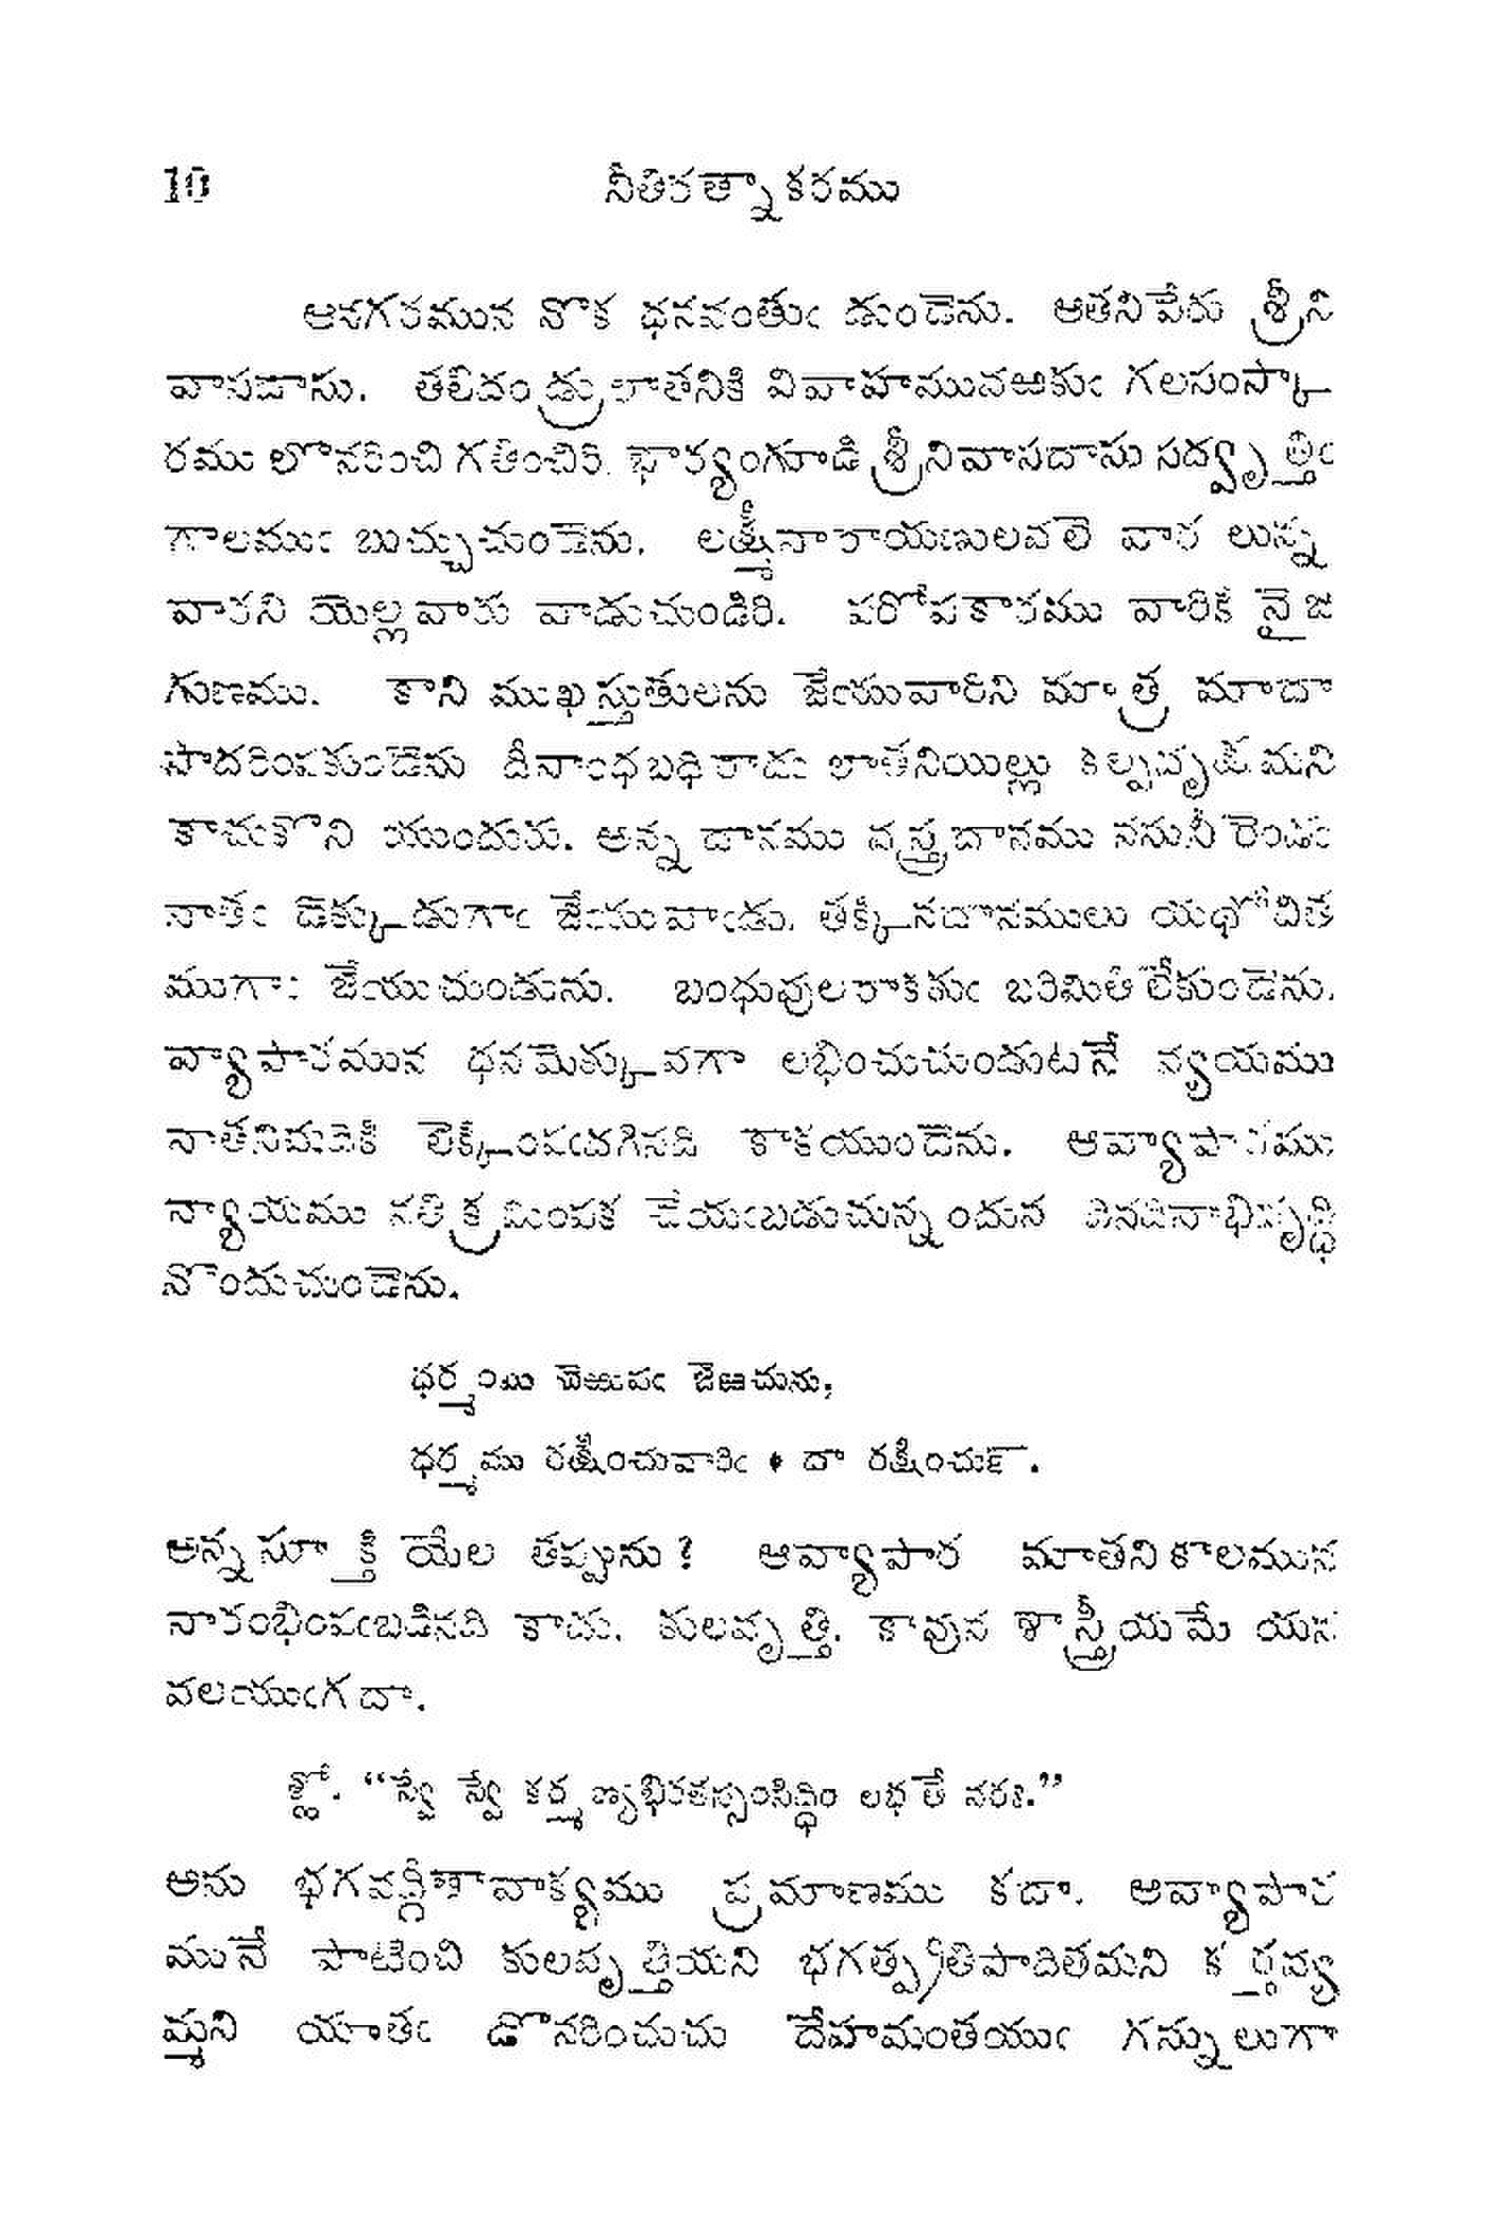ఆనగరమున నొక ధనవంతుఁ డుండెను. అతని పేరు శ్రీనివాసుదాసు. తలిదండ్రులాతనికి వివాహమువ ఱకుఁ గలసంస్కారము లొనరించి గతించిరి . భార్యంగూడి శ్రీనివాసదాసు సద్వృత్తి గాలముఁ బుచ్చుచుండెను. లక్ష్మీనారాయణులవలె వారలున్నవారని యెల్ల వారు వాడుచుండిరి. పరోపకారము వారికి నైజ గుణము. కాని ముఖస్తుతులను జేయువారిని మాత్ర మాదాసాదరింప కుండెను దీనాంధబధిరాదు లాత నియిల్లు కల్పవృక్ష ముని కాచుకొని యుందురు. అన్నదానము వస్త్ర దానము నను నీ రెండు నాతఁ డెక్కుడుగాఁ చేయువాడు. తక్కినదానములు యథోచితముగా జేయుచుండును. బంధువుల రాకకు 
బరిమితిలేకుండెను. వ్యాపారమున ధన మెక్కువగా లభించుచుండుటచే వ్యయము నాతనిమదికి లెక్కింప దగినది కాకయుండెను. ఆవ్యాపార ము న్యాయము నతిక్రమింపక చేయఁబడుచున్నందున దినదినాభి వృద్ధి నొందుచుండెను,

ధర్మంబు చెరుపఁ జెఱచును,
ధర్మము రక్షించువారిఁ * దా రక్షించున్ . 

అన్న సూక్తి యేల తప్పును! ఆ వ్యాపార మాతని కాలమున నారంభింపబడినది కాదు. కులవృత్తి. కావున శాస్త్రీయమే యన వలయుఁగదా.

శ్లో. “స్వే స్వే కర్మణ్య భిరతస్సంసిద్ధిం లభతే నరః." 

అను భగవద్గీతా వాక్యము ప్రమాణము కదా. ఆవ్యాపారమునే పాటించి కులవృత్తియని భగత్ప్రతిపాదితమని కర్తవ్య మని యాతం డొనరించుచు దేహమంతయుఁ గన్నులుగా